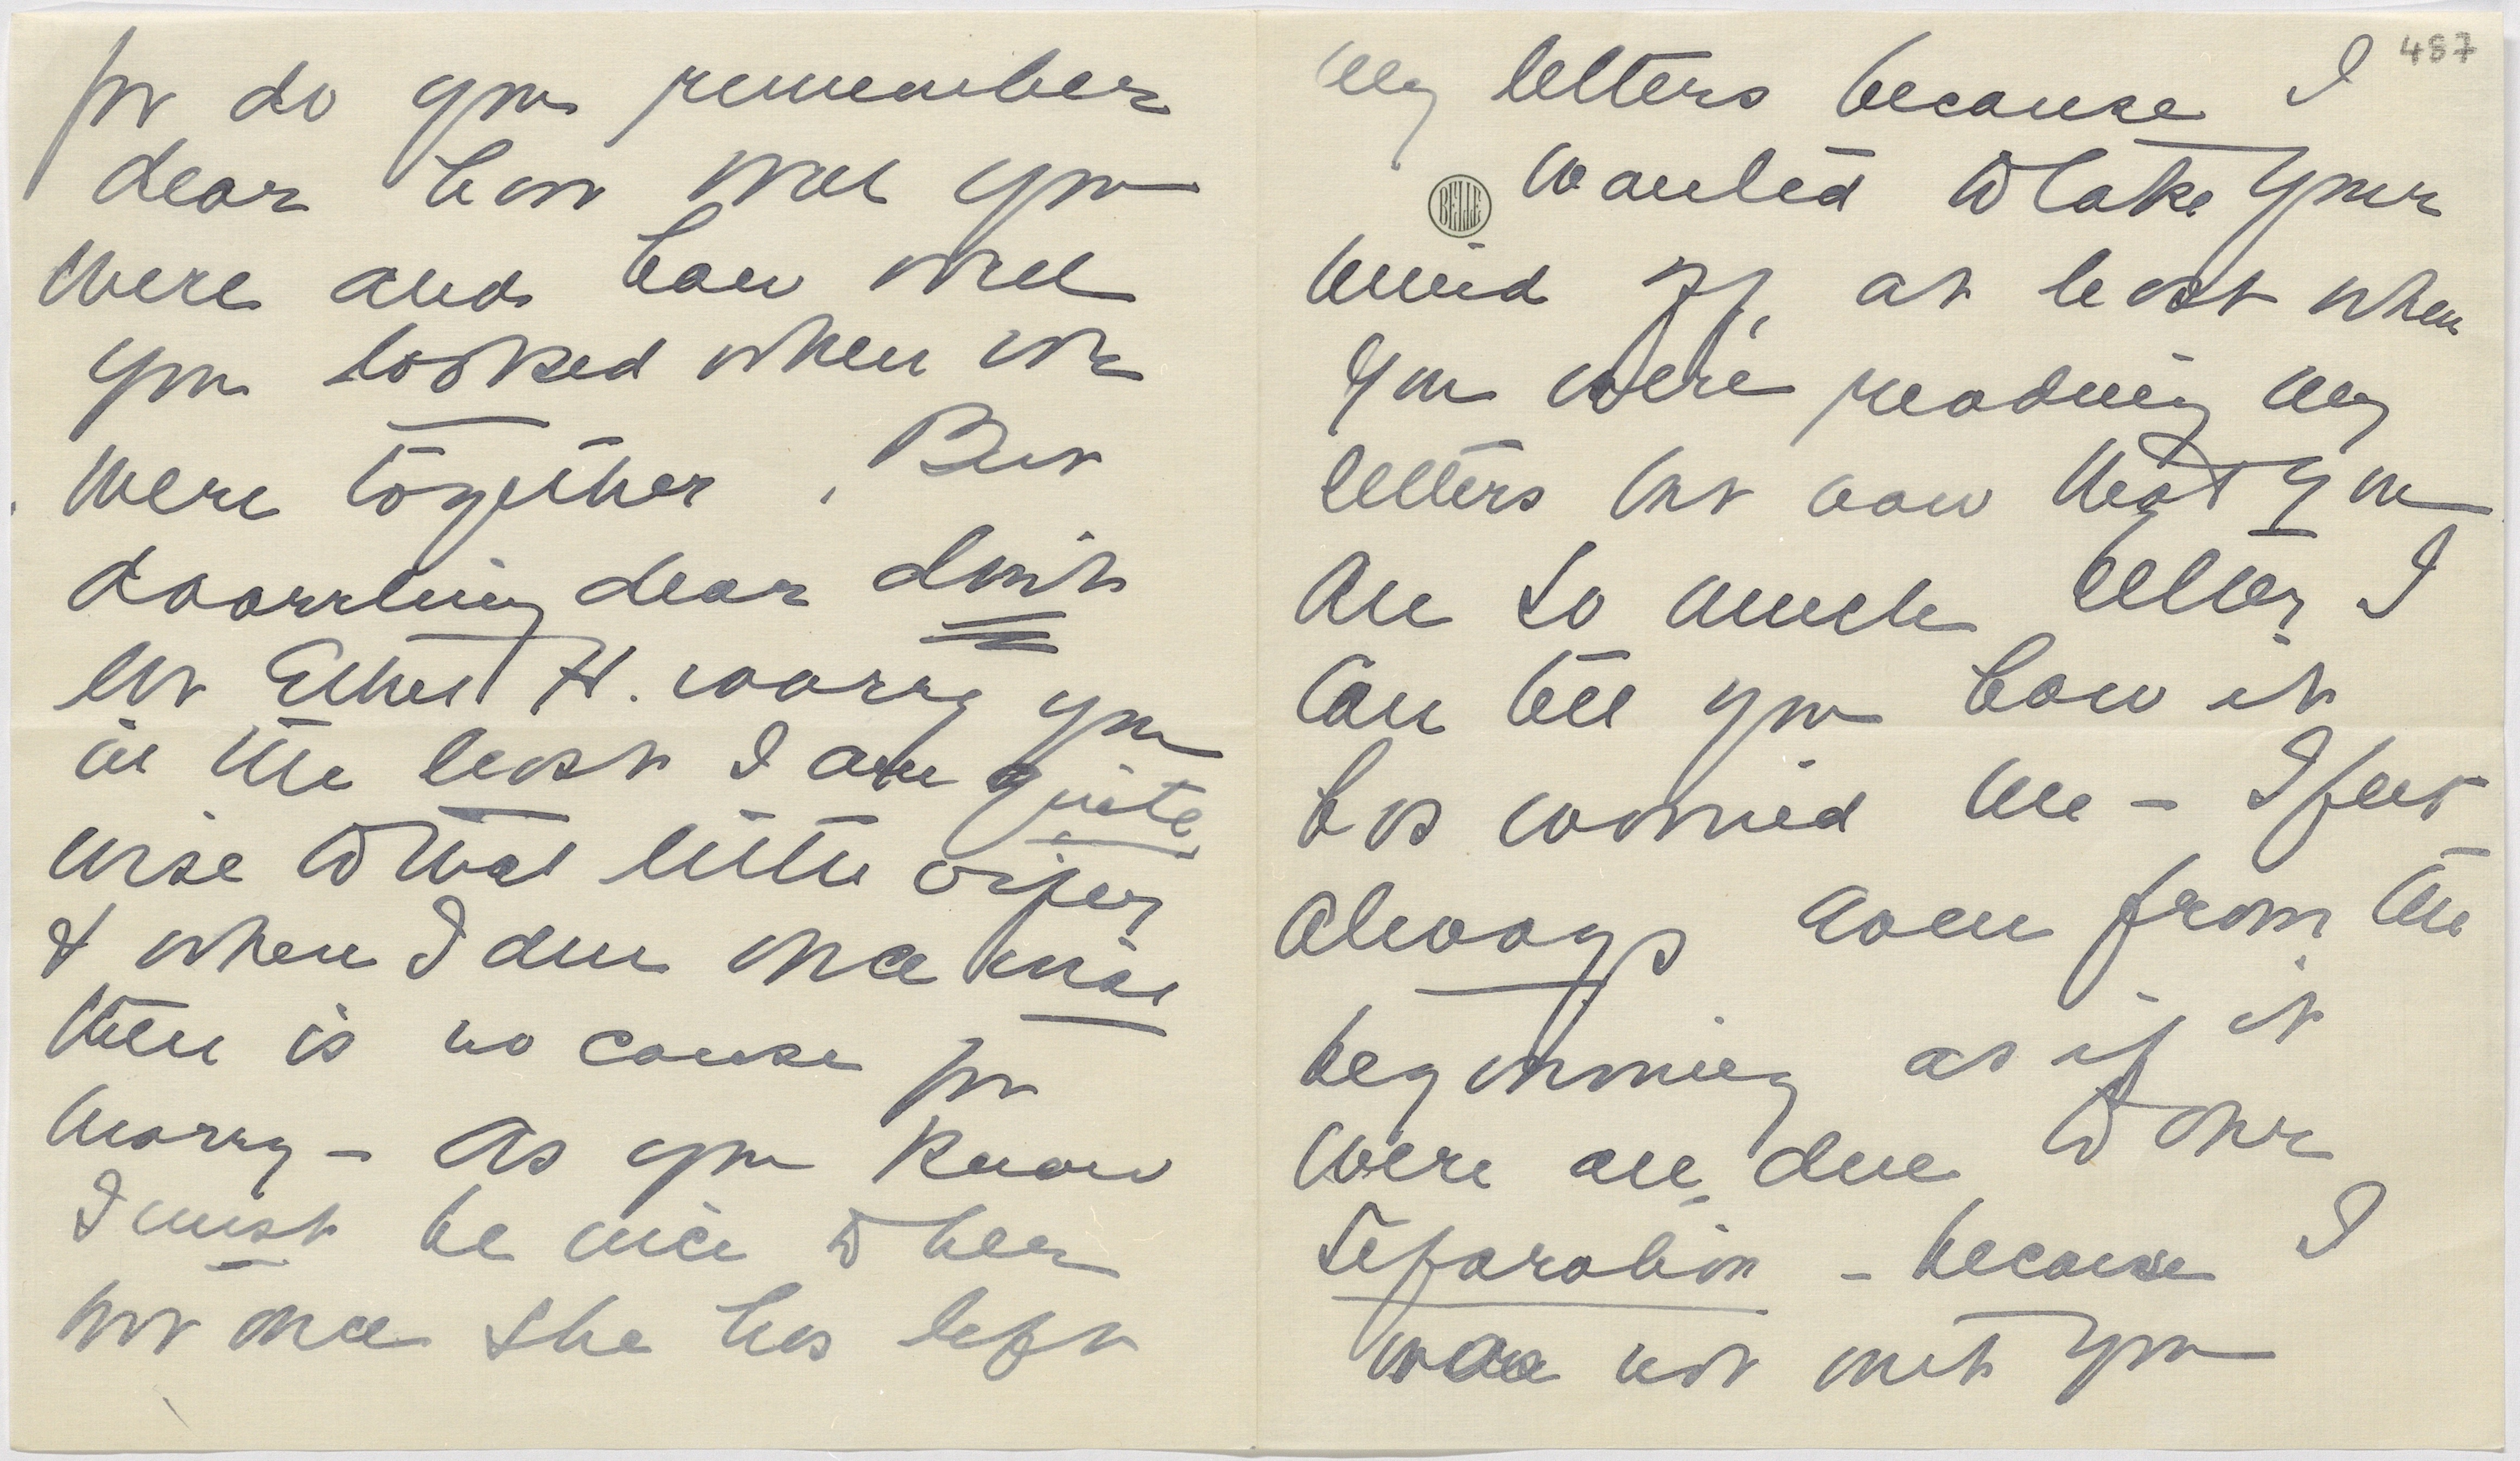my letters because I wanted to take your mind off, at least when you were reading my letters but now that you are so much better I can tell you how it has worried me – I felt always even from the beginning as if it were all due to our separation – because I were was not with you
for do you remember dear how well you were and how well you looked when we were together. But daarrling dear [triple underlined: don’t] let Ethel H. worry you in the least I am quite wise to that little viper & when I am once wise there is no cause for worry – As you know I must be nice to her but once she has left